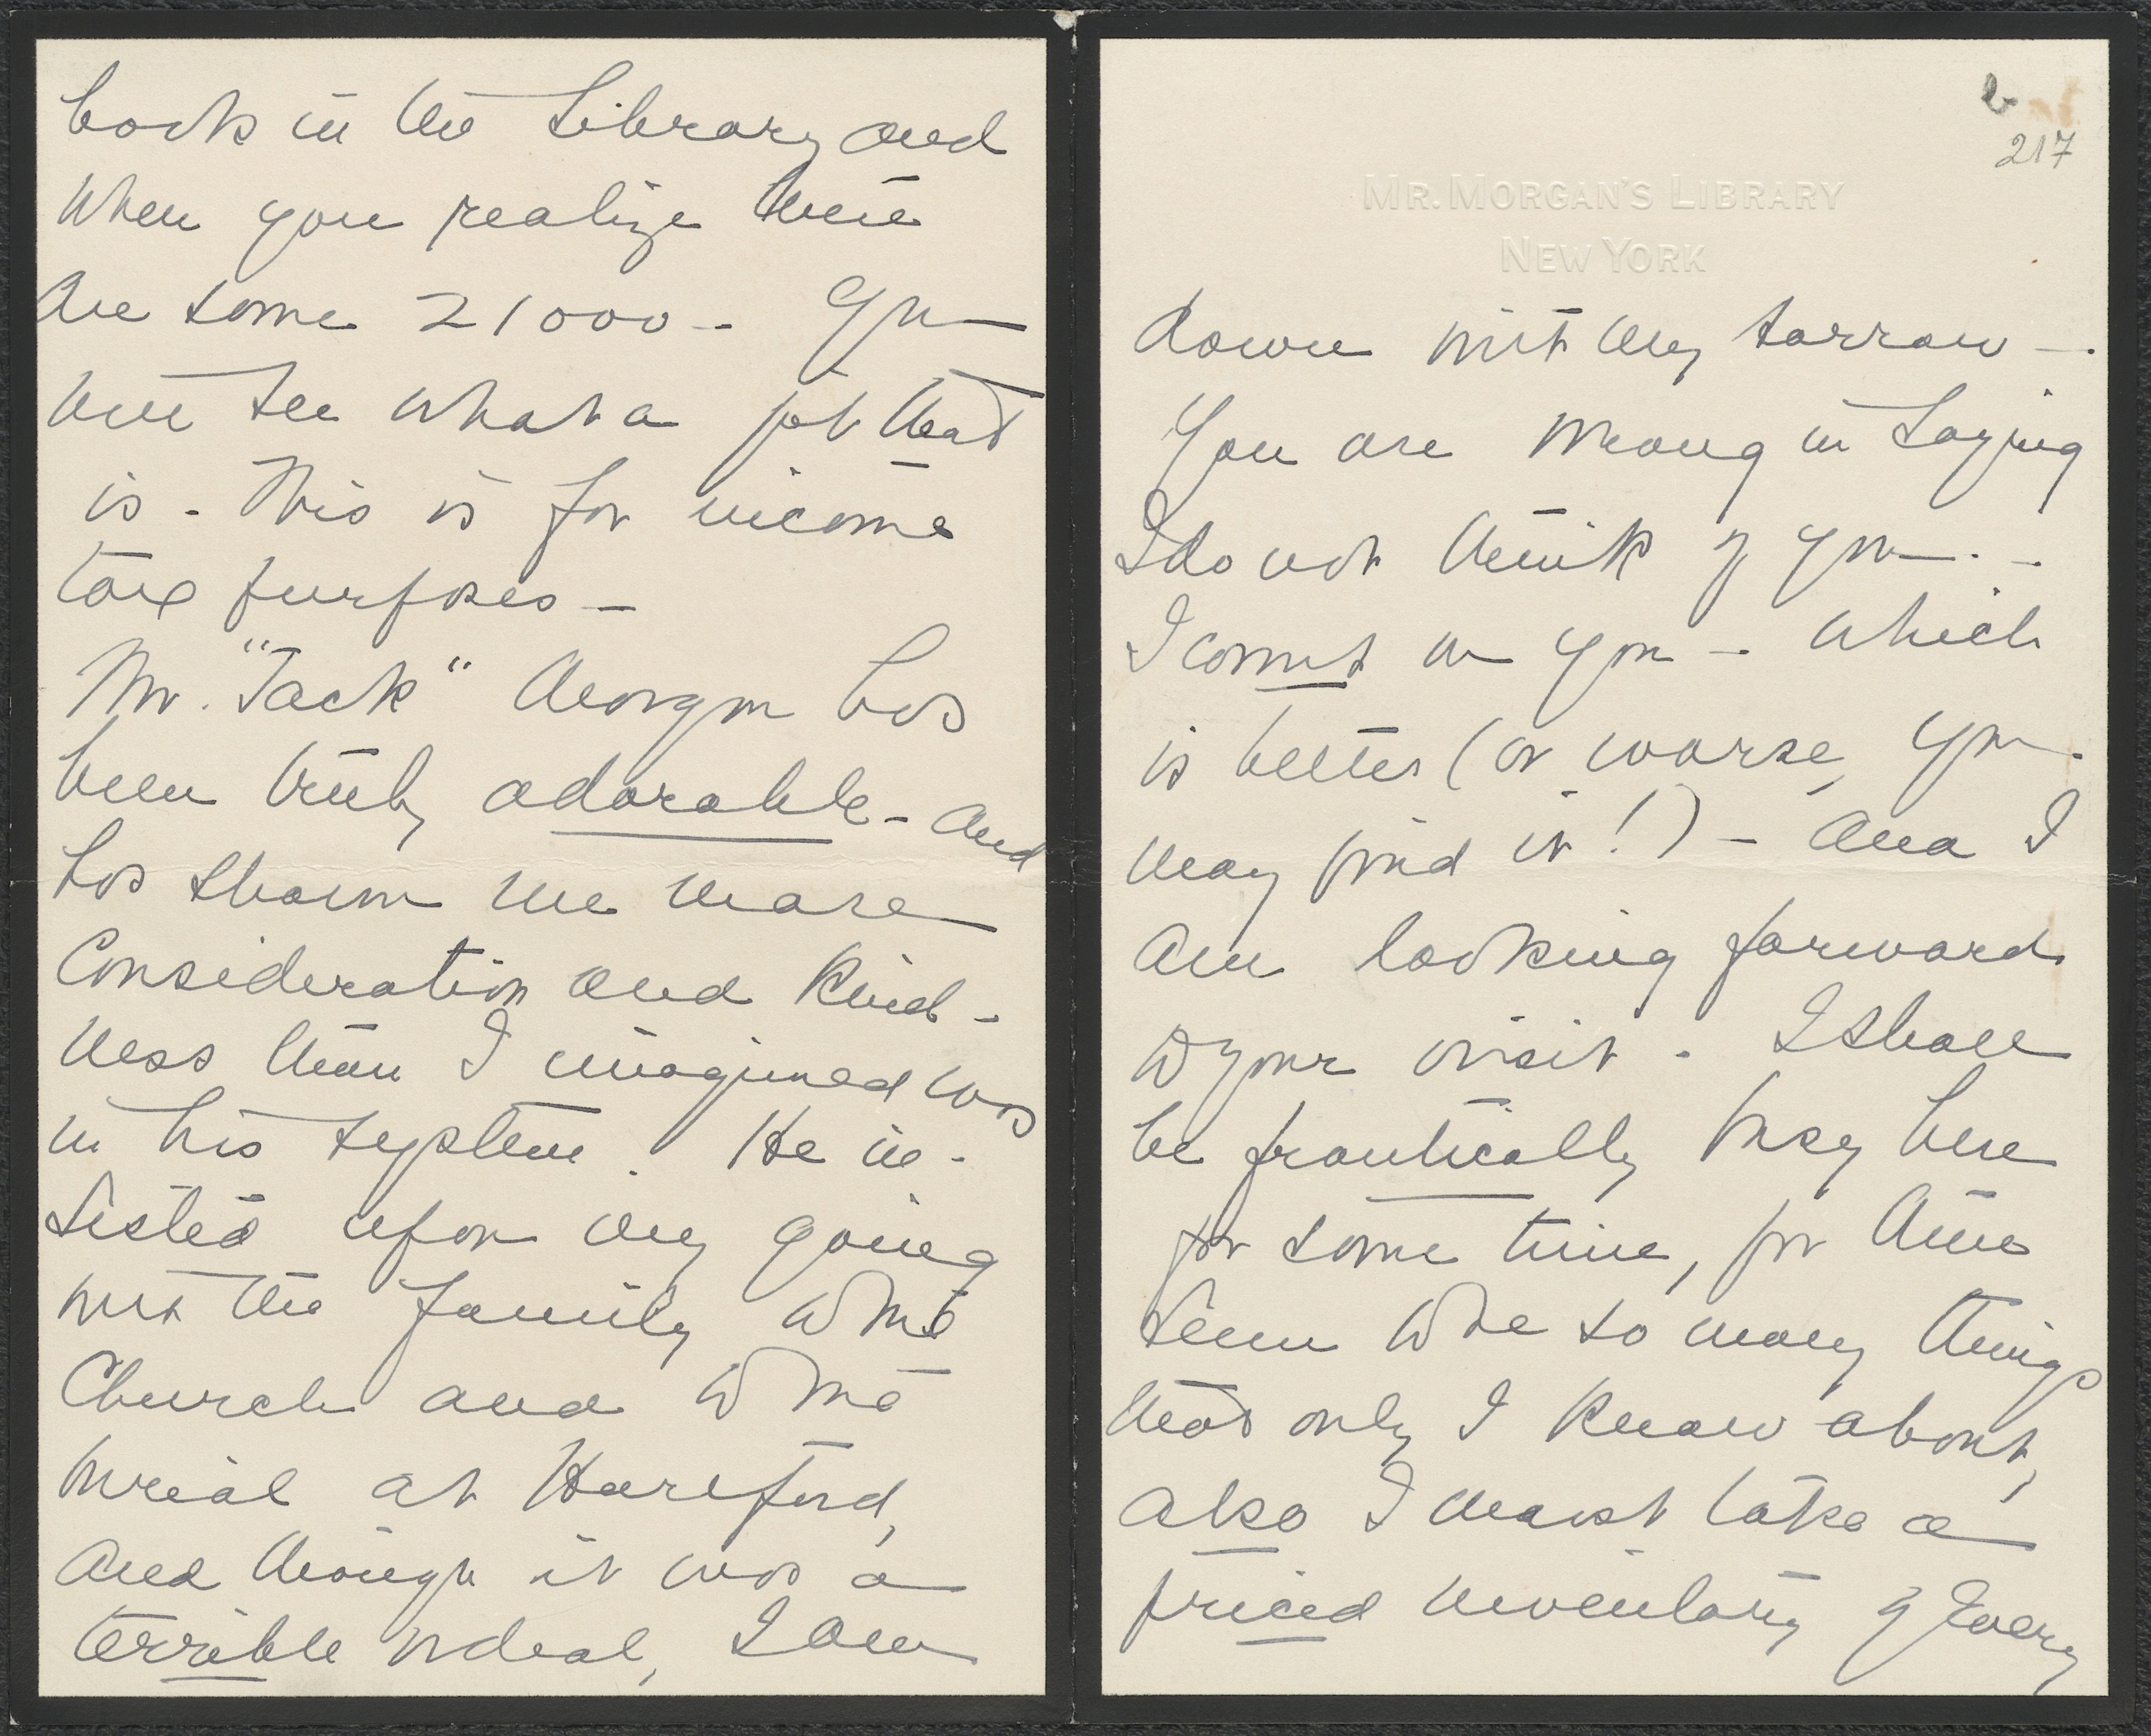down with my sorrow – You are wrong in saying I do not think of you – I count on you – which is better (or worse, you may find it!) – and I am looking forward to your visit – I shall be frantically busy here for some time, for there seem to be so many things that only I know about, also I must take a priced inventory of every
book in the Library and when you realize there are some 21000 – you then see what a job that is – This is for income tax purposes –
Mr. “Jack” Morgan has been truly adorable – and has shown me more consideration and kindness that I imagined was in his system. He insisted upon my going with the family to the Church and to the burial at Hartford, and through it was a terrible ordeal, I am